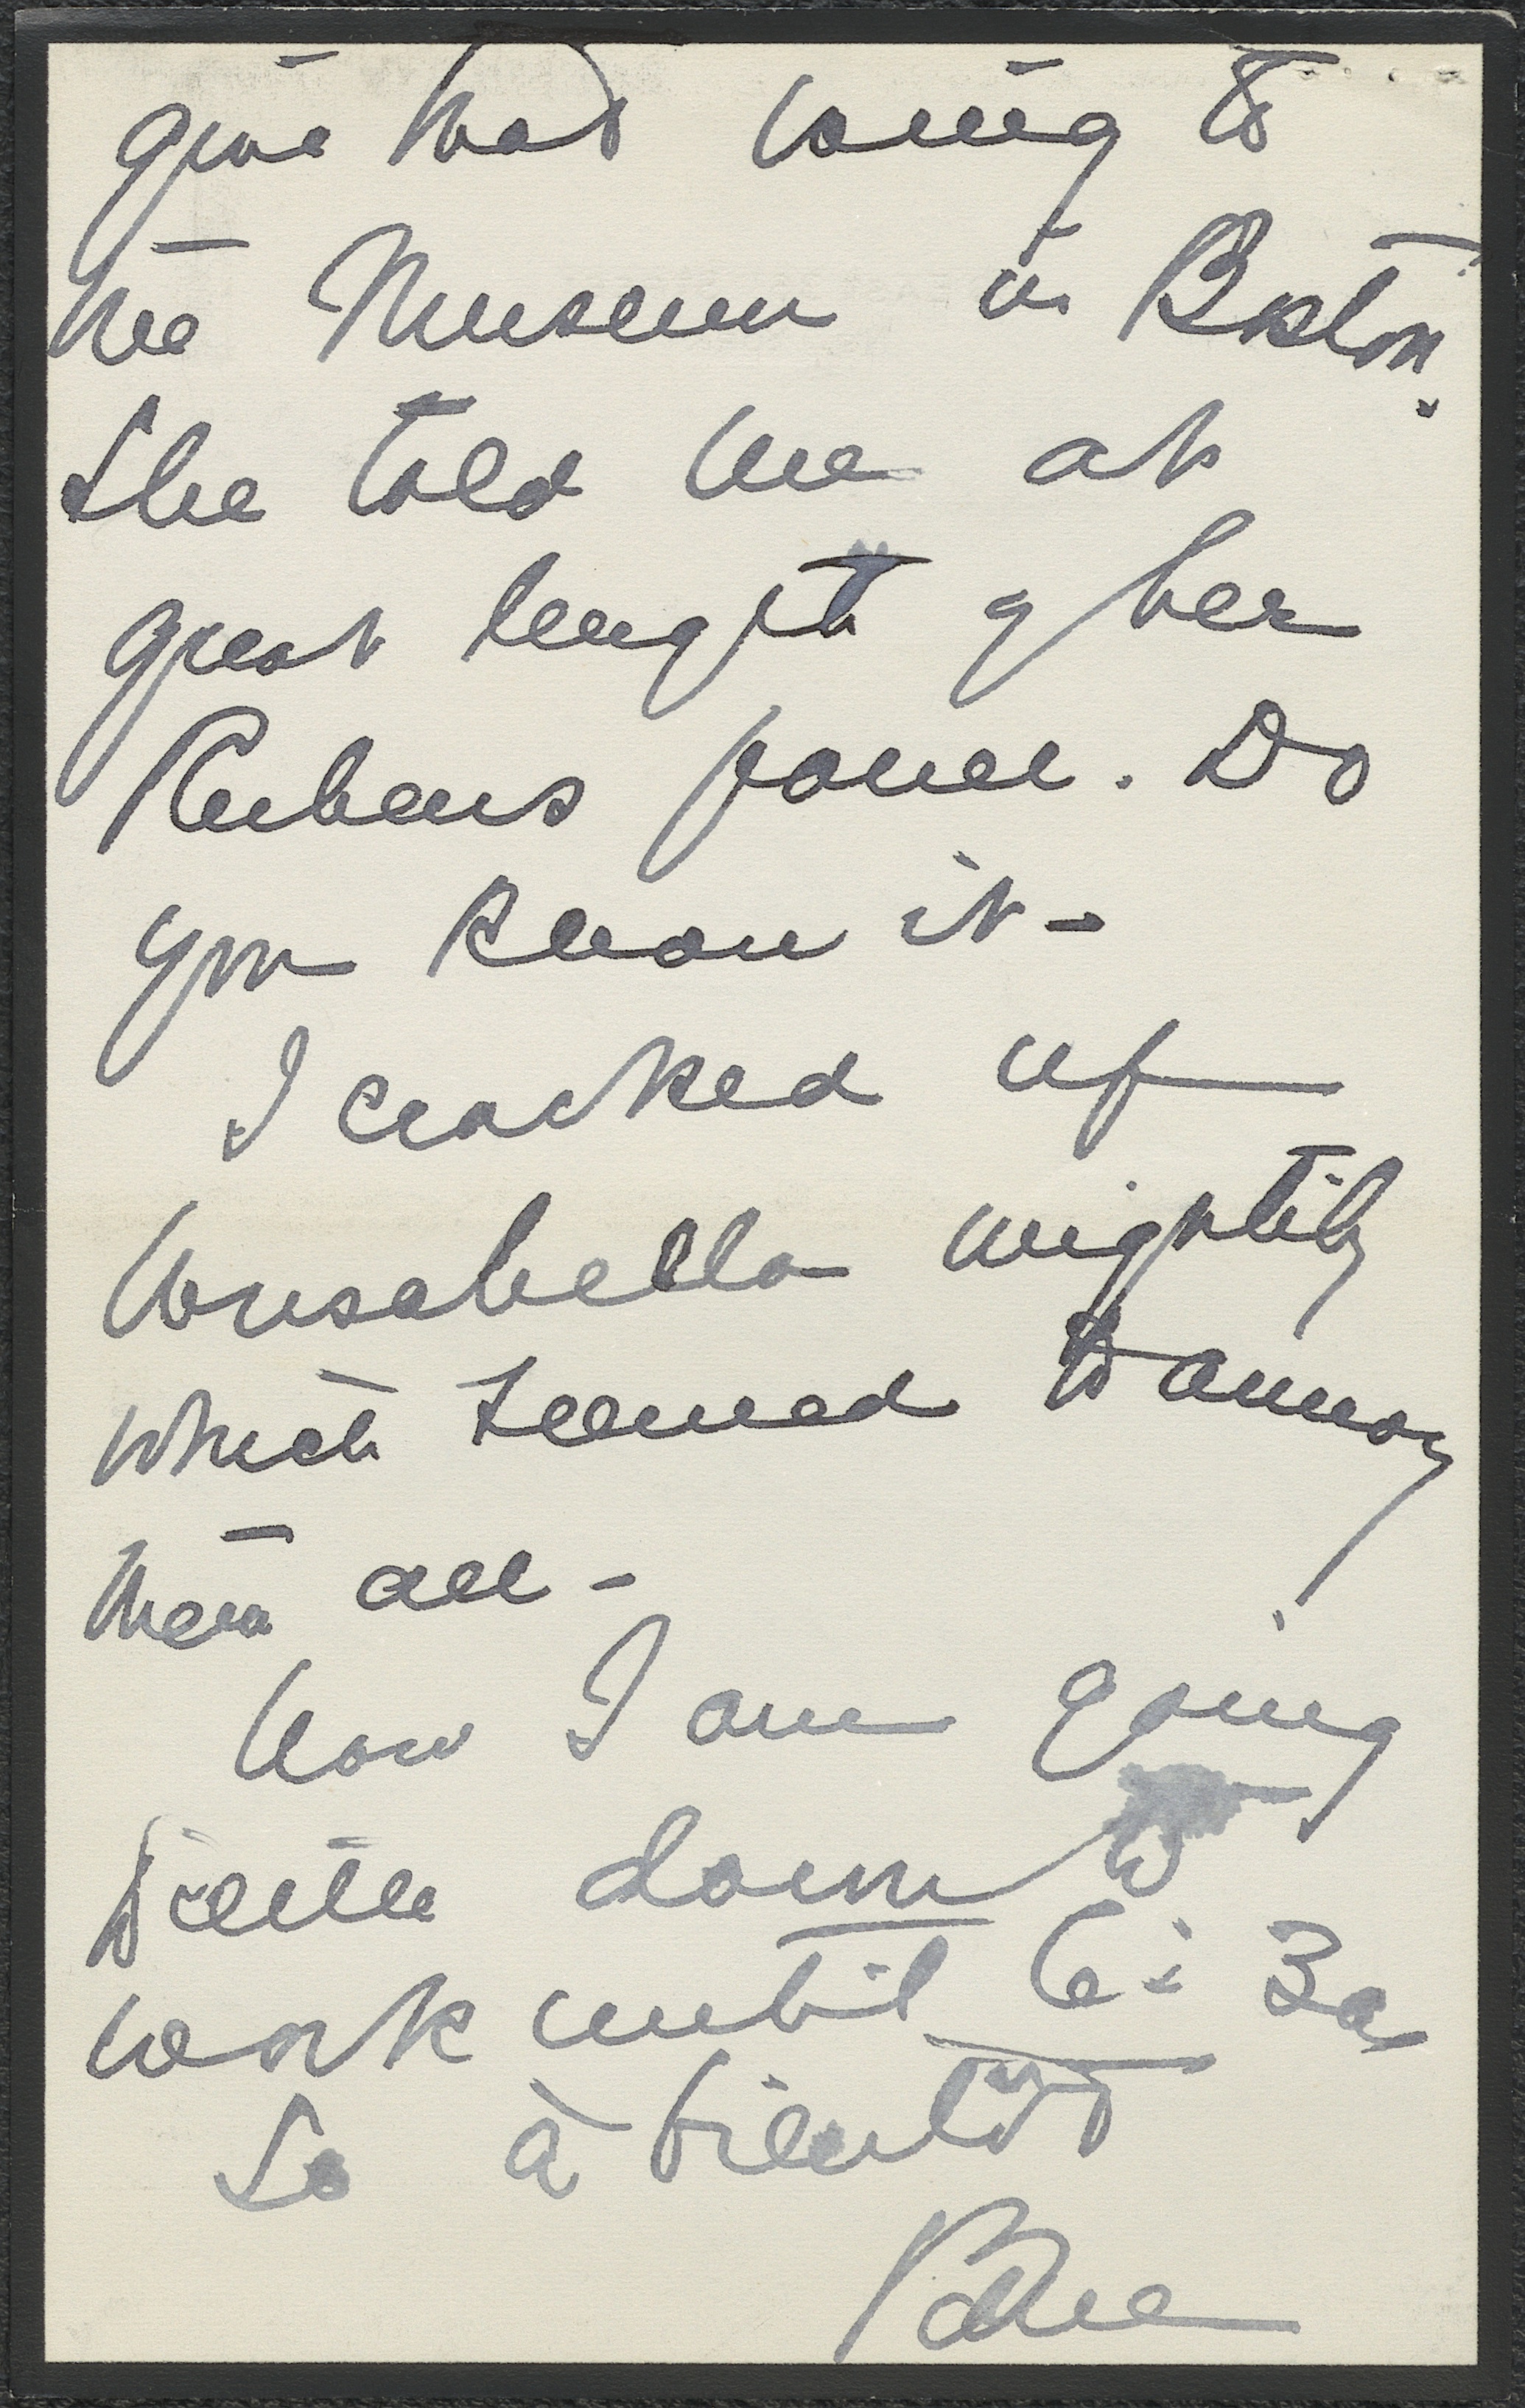give that wing to the museum in Boston. She told me at great length of her Rubens panel. Do you know it –
I cracked up Grisabella mightily which seemed to annoy them all –
Now I am going to settle down to work until 6:30, so à bientôt
Belle